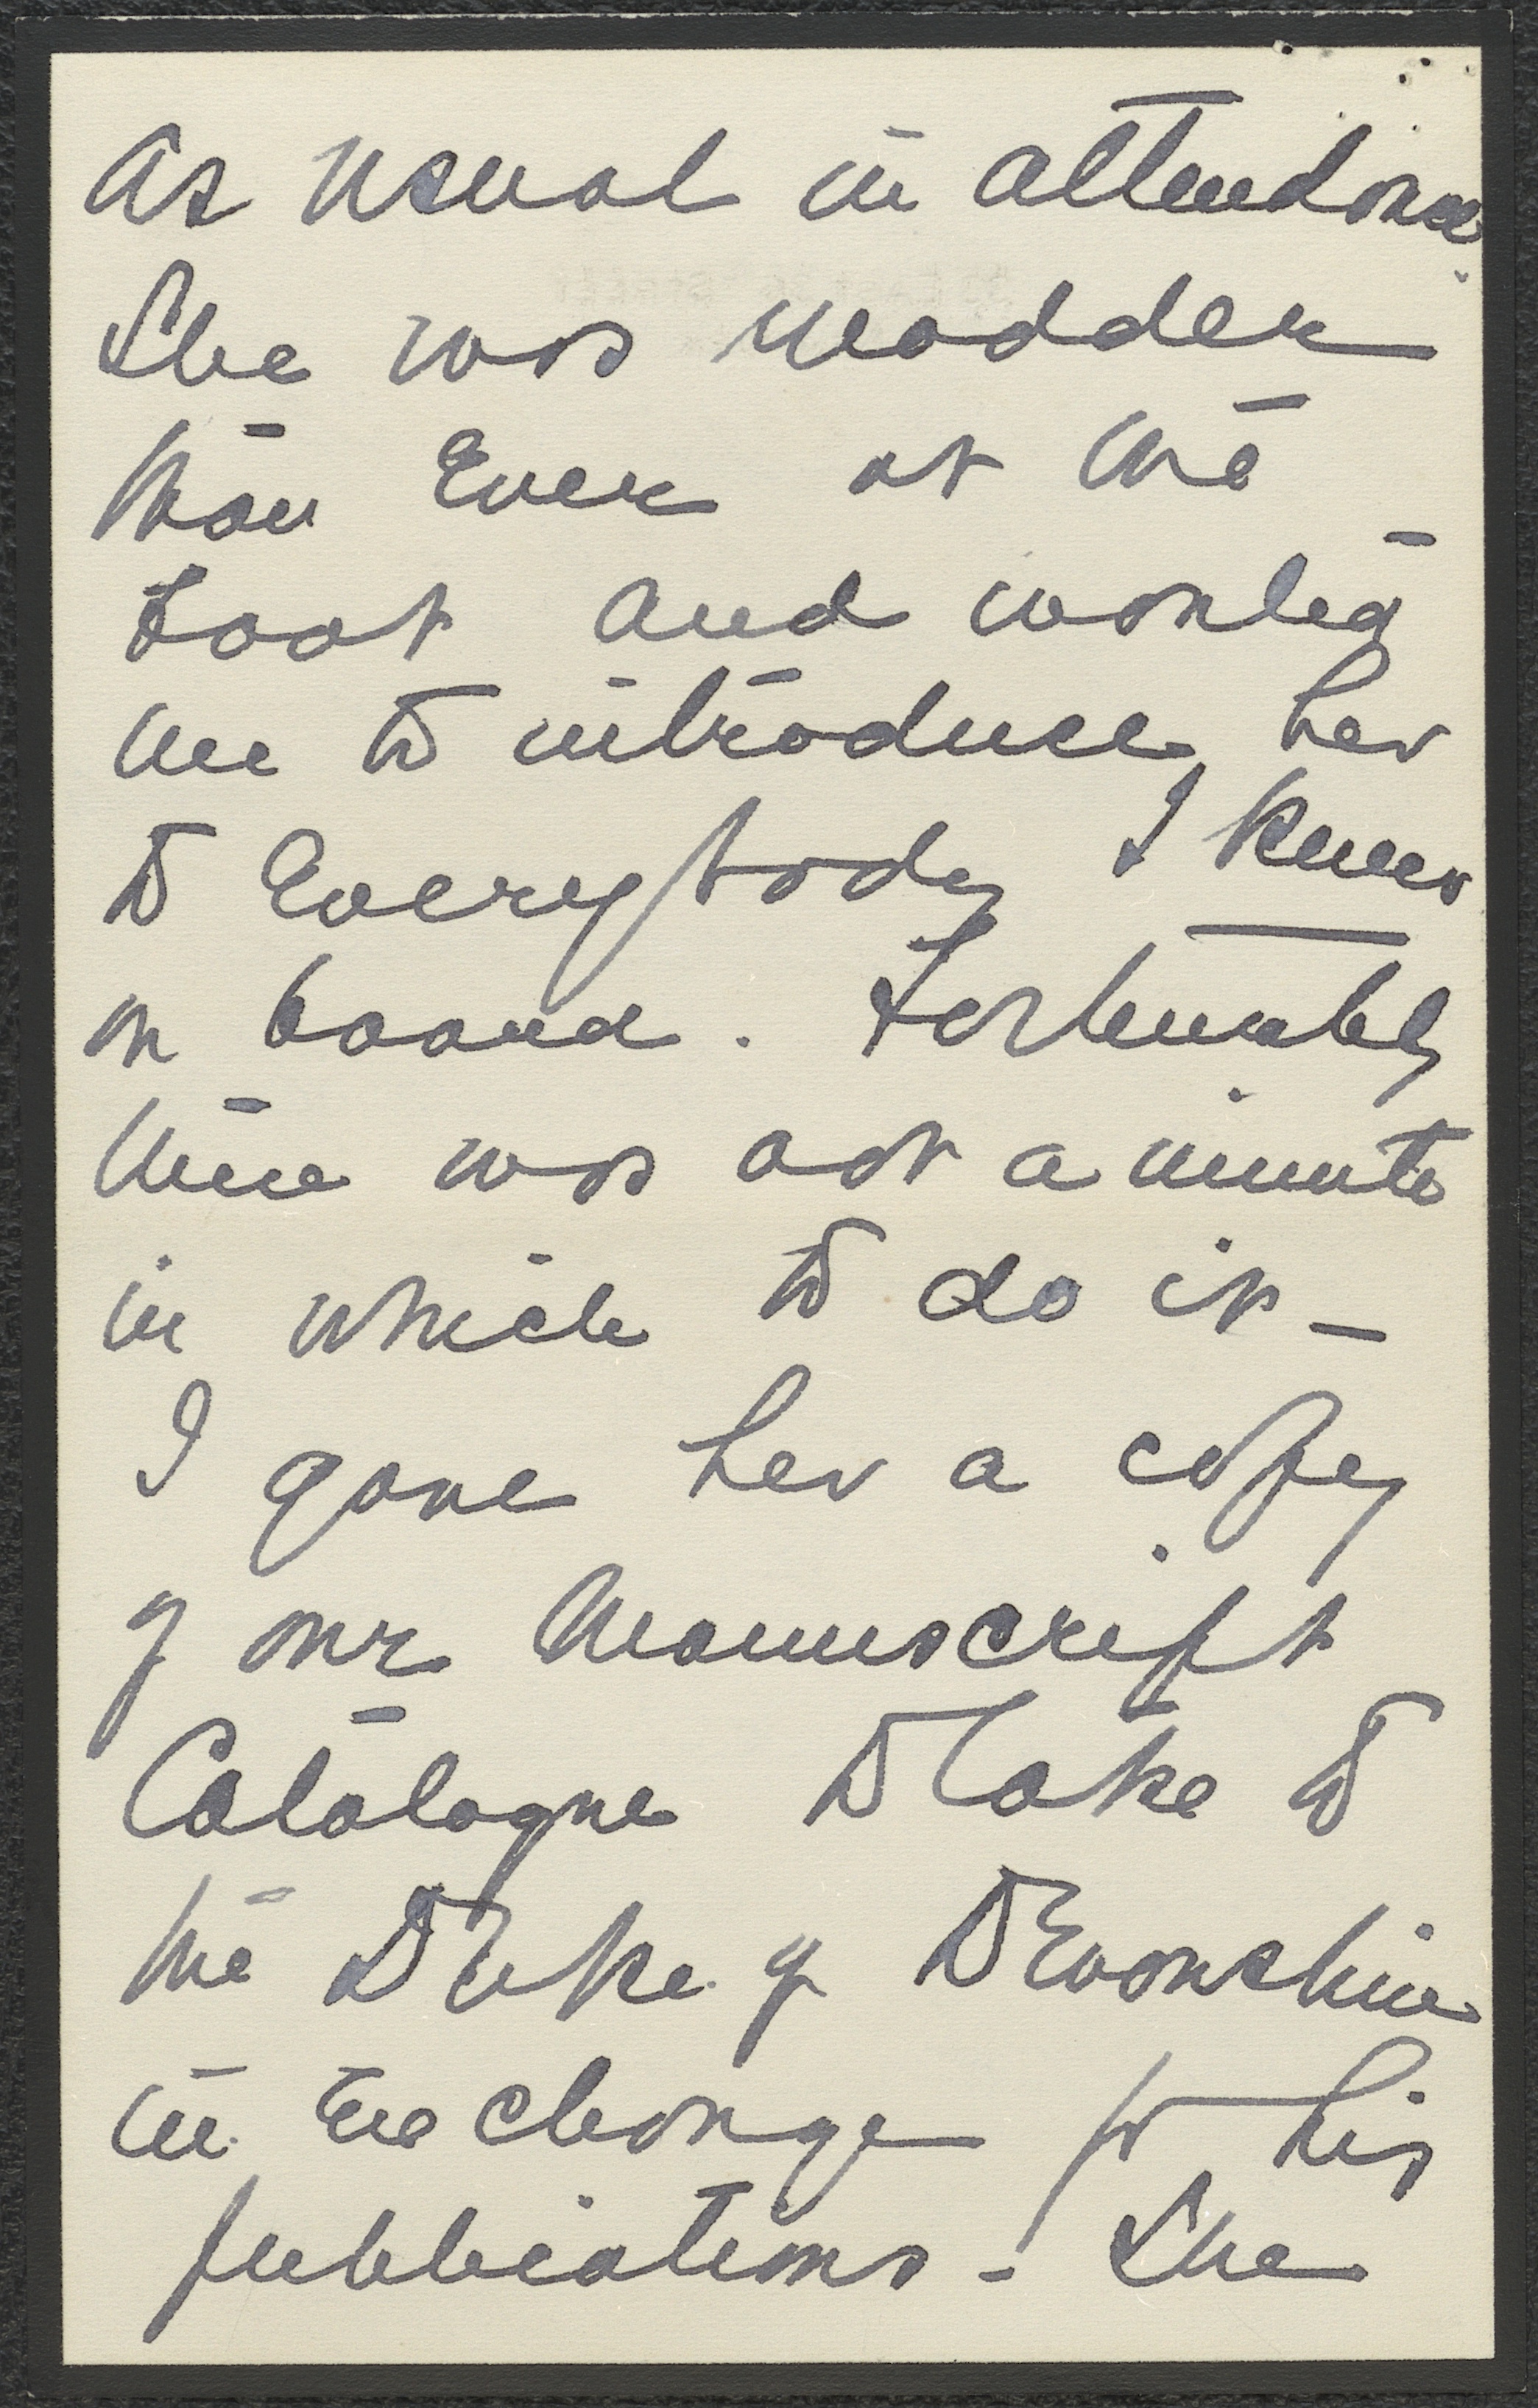as usual in attendance. She was madder than ever at the boat and wanted me to introduce her to everybody I knew on board. Fortunately there was not a minute in which to do it –
I gave her a copy of our Manuscript Catalogue to take to the Duke of Devonshire in exchange for his publications – She